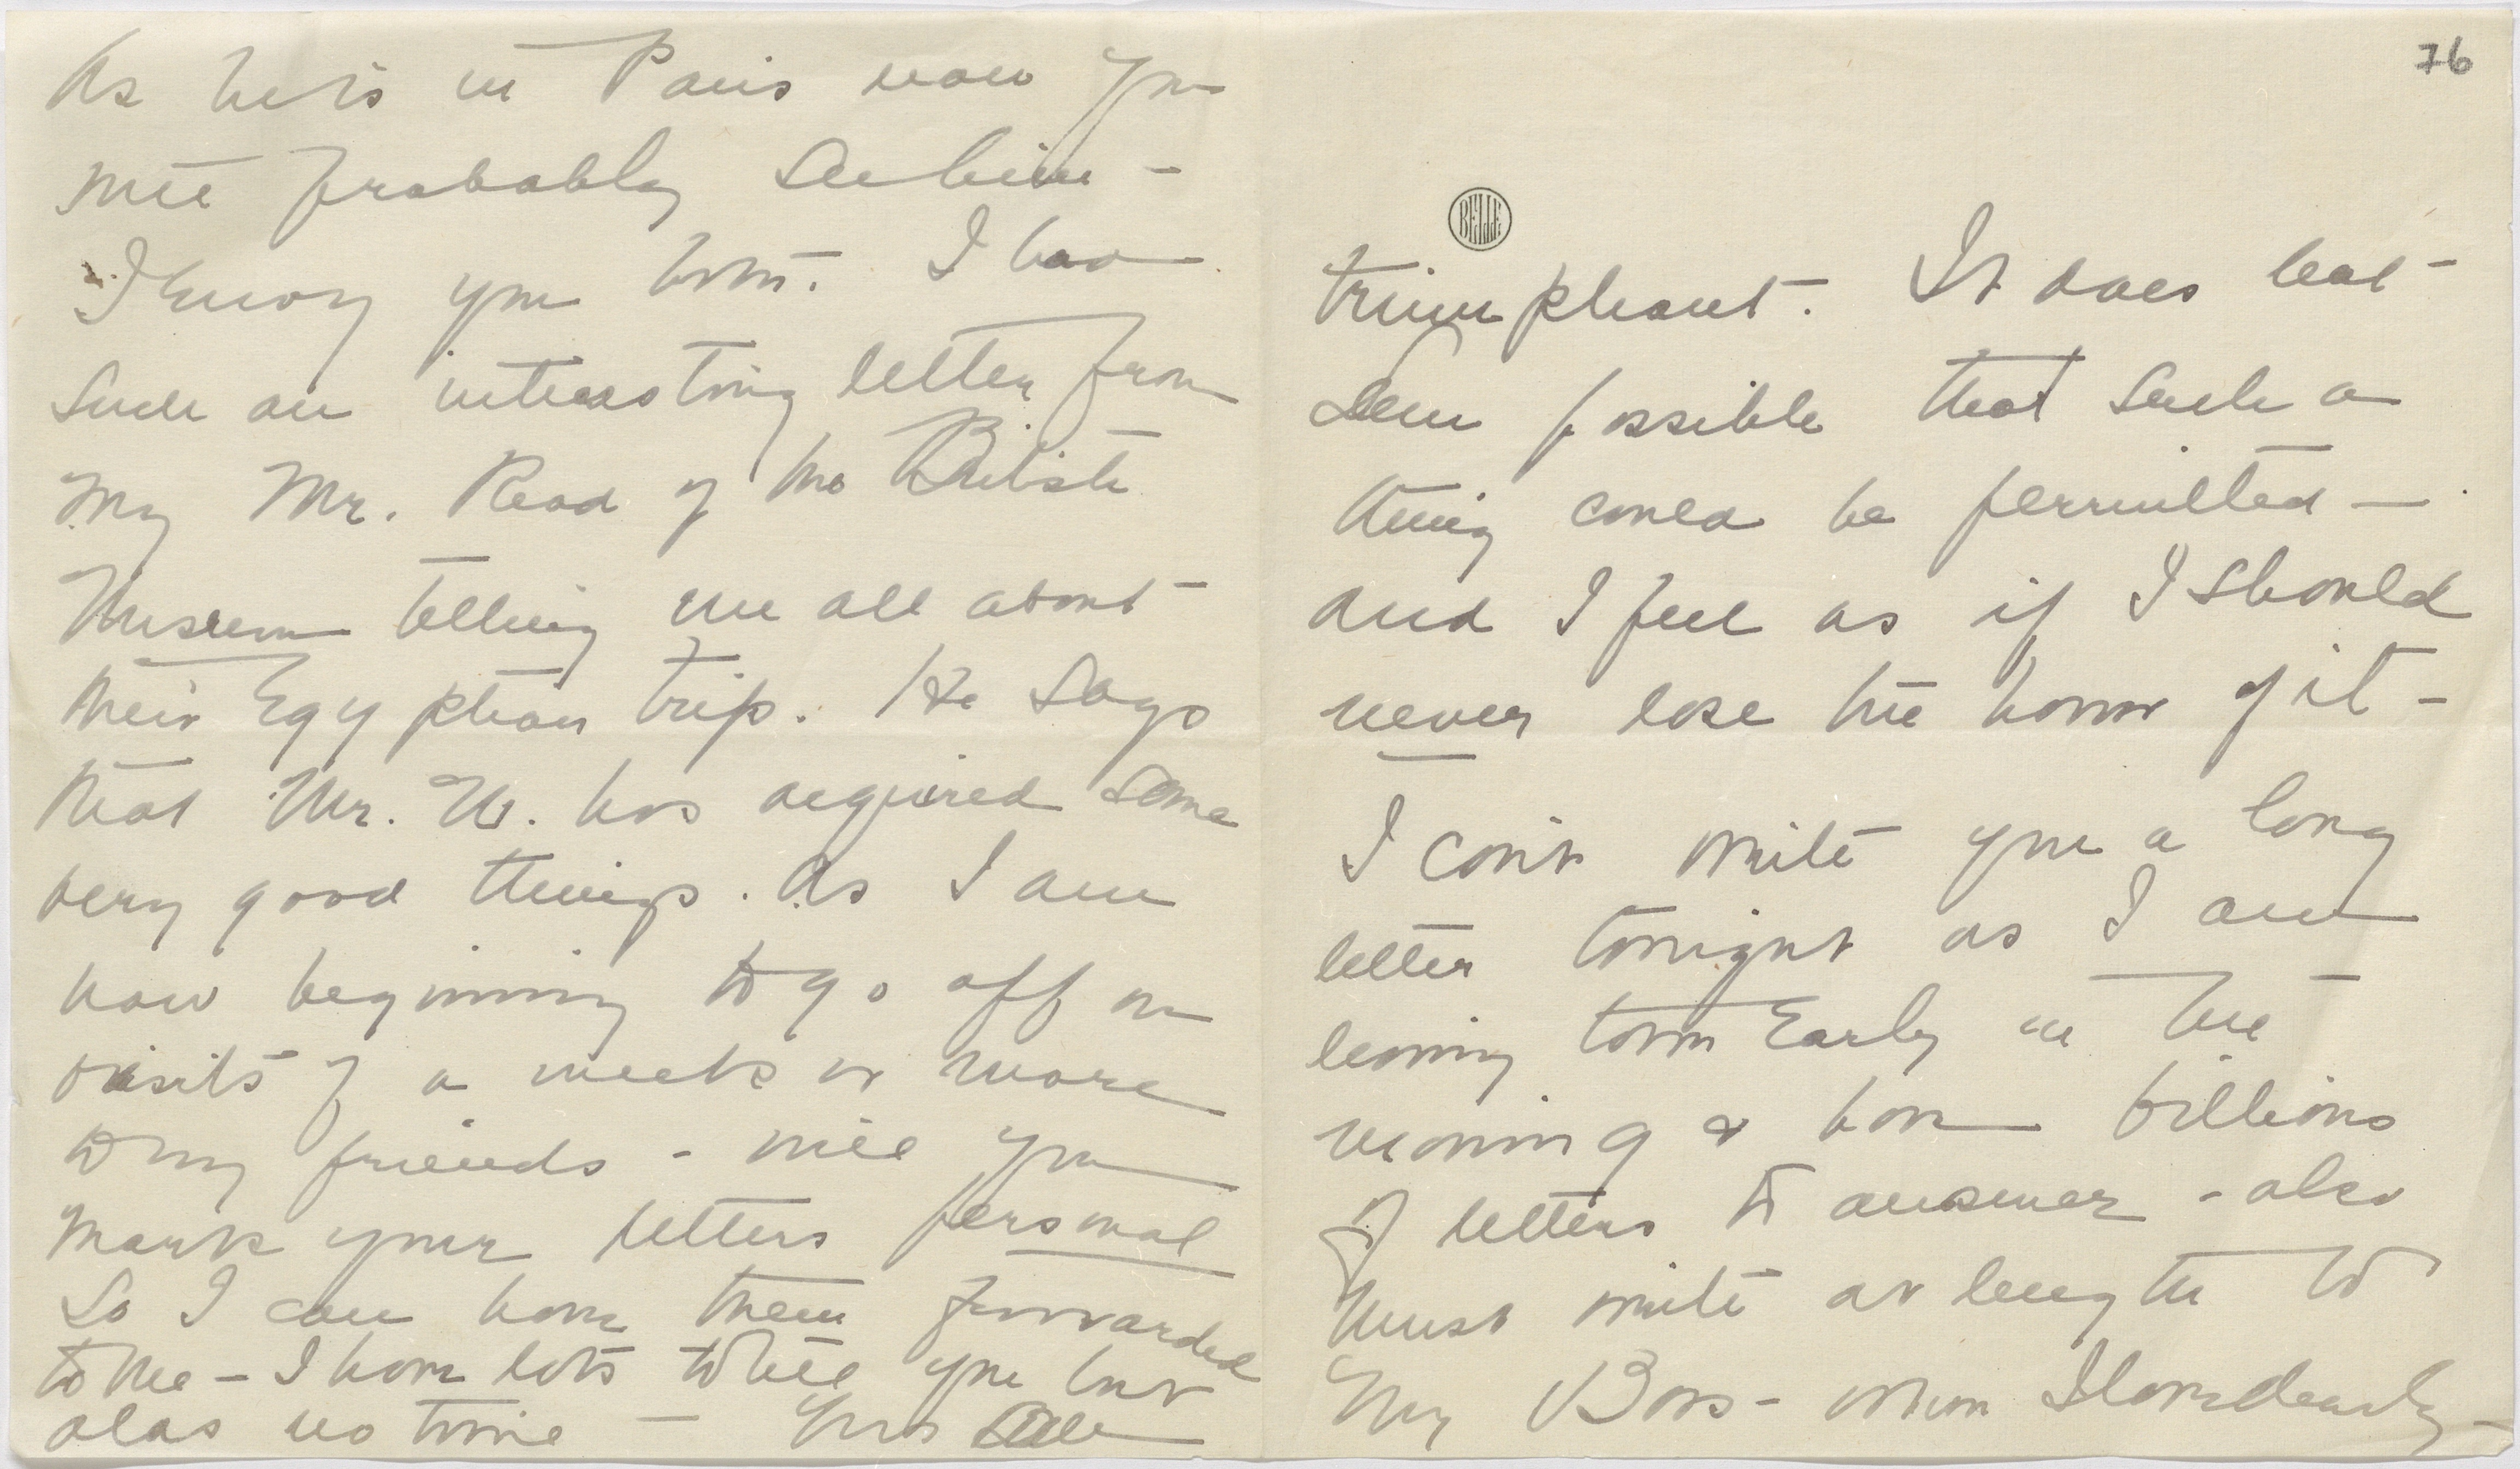triumphant. It does not Seem possible that such a thing could be permitted – and I feel as if I should never lose the horror of it –
I can’t write you a long letter tonight as I am leaving town early in the morning & have billions of letters to answer – also must write at length to My Boss – whom I love dearly –
as he is in Paris now you will probably see him – I envy you both. I had such an interesting letter from my Mr. Read of the British Museum telling me all about their Egyptian trip. He says that Mr. M. has acquired some very good things. As I am now beginning to go off on visits of a week or more to my friends – will you mark your letters personal so I can have them forwarded to me – I have lots to tell you but alas no time – Your Belle